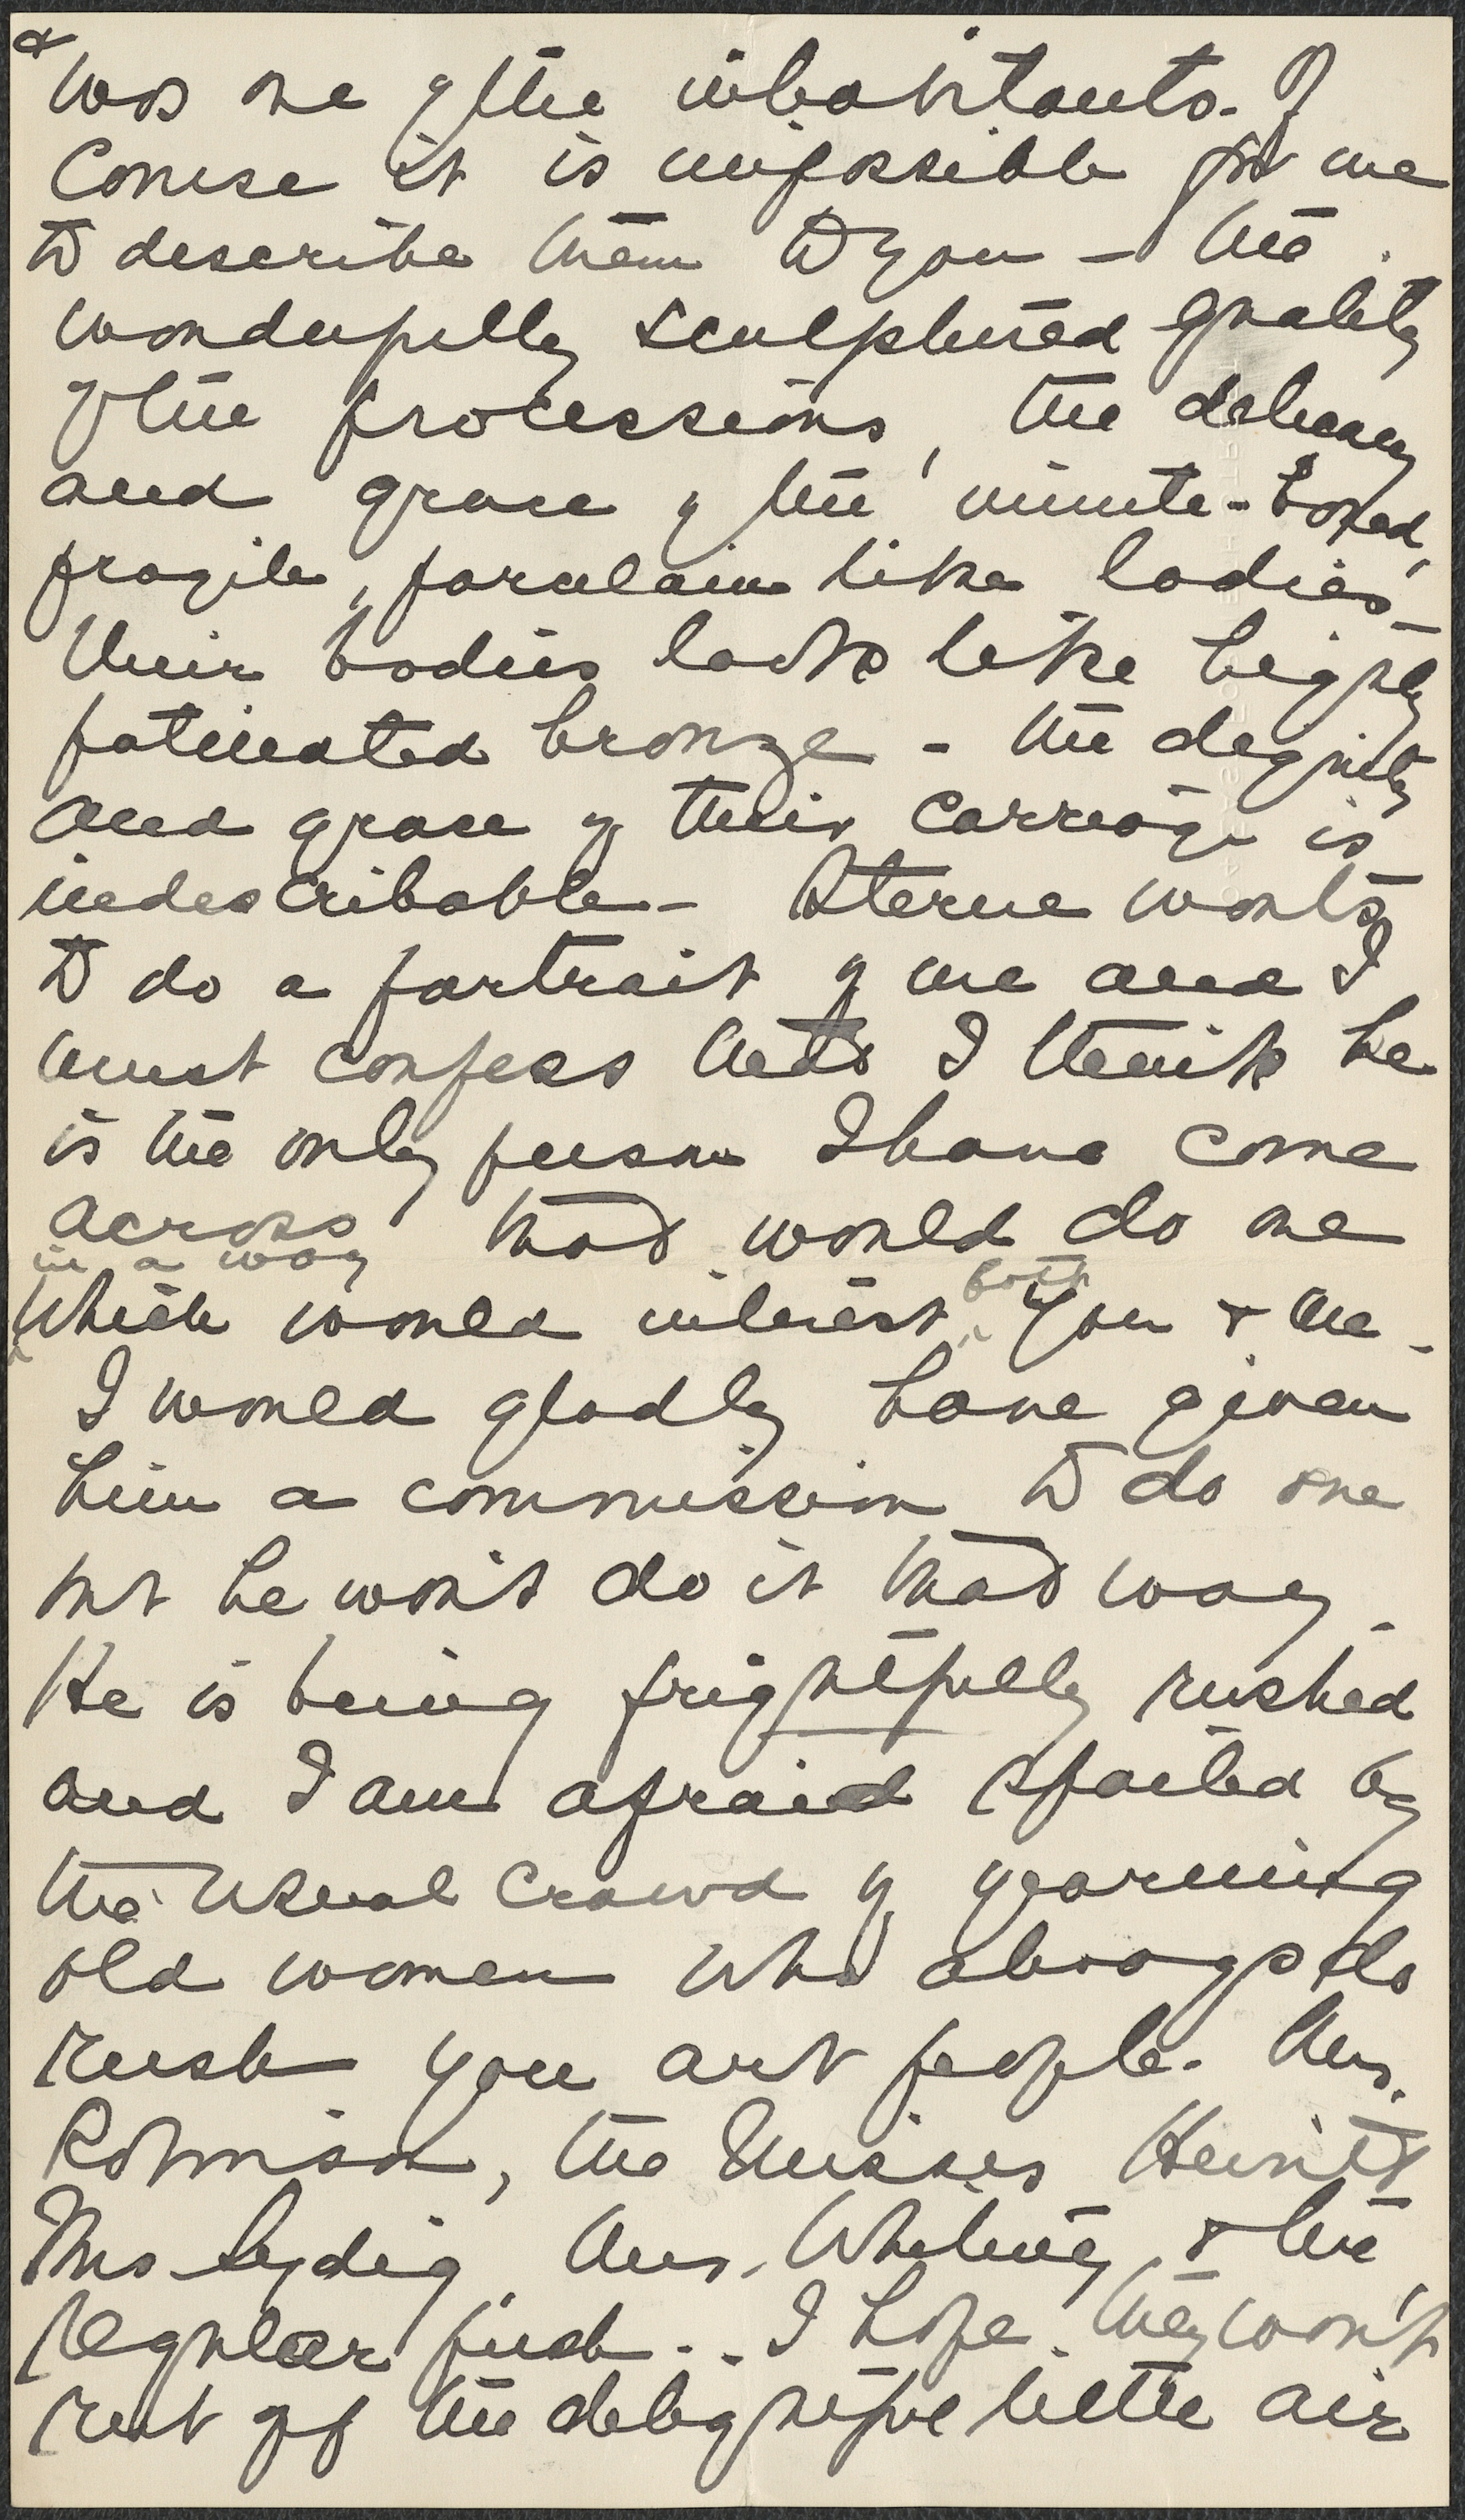& was one of the inhabitants. Of course it is impossible for me to describe them to you – the wonderfully sculptured quality of the processions, the delicacy and grace of the minute-boxed, fragile, porcelain like ladies – their bodies look like highly patinated bronze – the dignity and grace of their carriage is indescribable – Sterne wants to do a portrait of me and I must confess that I think he is the only person I have come across that would do one [^in a way^] which would interest [^both^] you & me – I would gladly have given him a commission to do one but he won’t do it that way. He is being frightfully rushed and I am afraid spoiled by the usual crowd of yearning old women who always do rush you art people. Mrs. Romison, the Misses Heints [sic] Mrs Lydig, Mrs. Whitney, & the regular bunch. I hope they won’t rub off the delightful little air